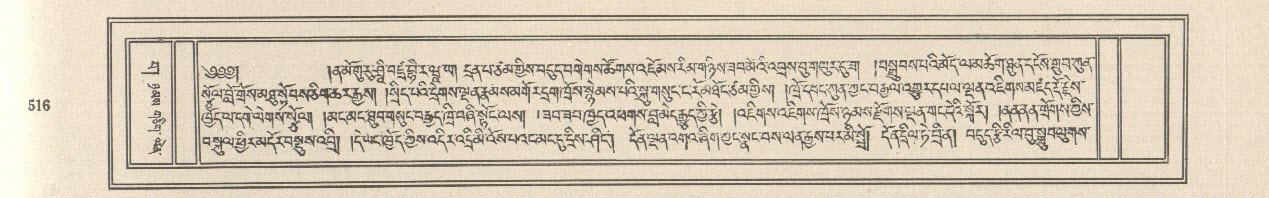༄༅༅། །ན་མོ་གུ་རུ་ཤྲཱི་བཛྲ་བྷཻ་ར་ཝཱ་ཡ། དྲན་པ་ཙམ་གྱིས་བདུད་བགེགས་ཚོགས་འཇོམས་རིམ་གཉིས་ཟབ་མོའི་འབྲས་བུ་གཡུར་དུ་ཟ། །བསྒྲུབས་པའི་མོད་ལ་མཆོག་ཐུན་དངོས་གྲུབ་ཀུན་
སྩོལ་བློ་གྲོས་མཐུ་སྟོབས་ཅིག་ཆར་རྒྱས། །སྲིད་པའི་དྲེགས་ལྡན་རྣམས་མགོར་དྲག་ཁྲོས་སྙེམས་པའི་སྐུ་གསུང་ང་རོ་མཐོང་ཙམ་གྱིས། །ཁྲོ་དབང་ཀུན་ཀྱང་བ་རྒྱལ་འགྱུར་དཔལ་ལྡན་འཇིགས་མཛད་རྡོ་རྗེས་
ཁྱོད་ལ་དགེ་ལེགས་སྩོལ། །མང་མང་ཐུབ་གསུང་བརྒྱད་ཁྲི་བཞི་སྟོང་ལས། །ཟབ་ཟབ་ཁྱད་འཕགས་བླ་མེད་རྒྱུད་ཀྱི་རྩེ། །འཇིགས་འཇིགས་ཁྲོས་ཉམས་རྫོགས་ལྡན་གང་དེའི་སྐོར། །ནན་ནན་གྲོགས་གྱིས་
བསྐུལ་ཕྱིར་མདོར་བསྡུས་འབྲི། །དེ་ཡང་ཁྱོད་ཀྱིས་འདིར་འདྲི་མི་འོས་པའང་མང་དུ་དྲིས་ཤིང་། དོན་ལྡན་འགའ་ཞིག་ཀྱང་སྣང་བས་ལན་རྒྱས་པར་མི་སྤྲོ། དོན་དྲིལ་ཏེ་བྲིན། བདུད་རྩི་རིལ་བུ་སྒྲུབ་ལུགས་